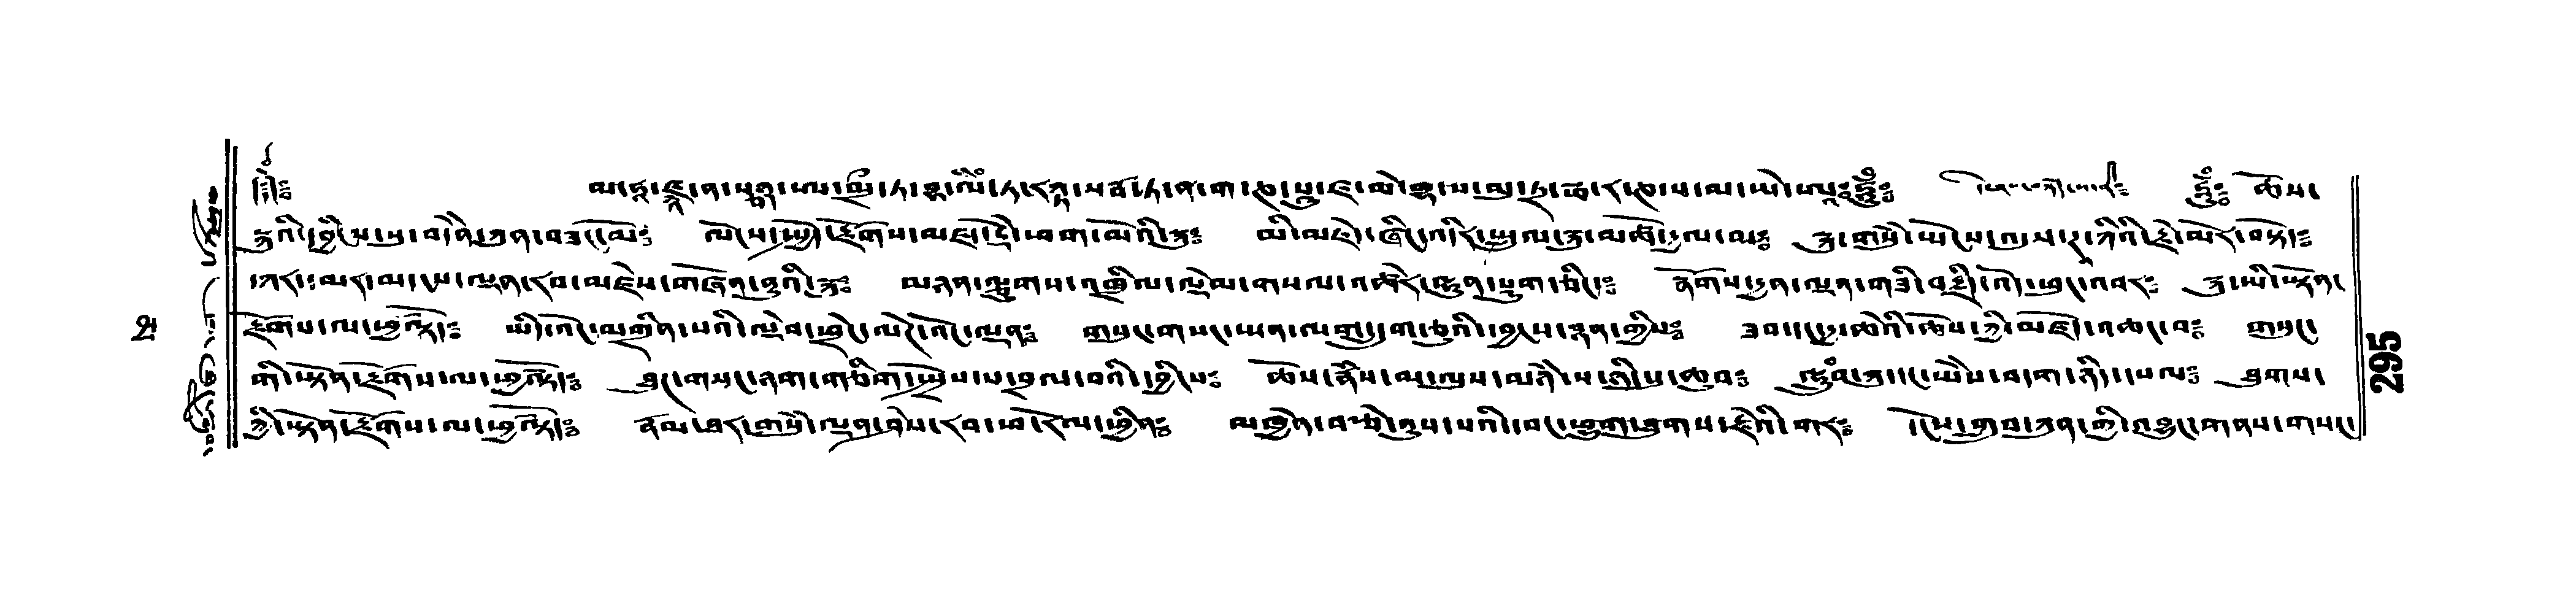མ་ཧཱ་ཛྙཱ་ན་པཉྩ་ཨ་མྲྀ་ཏ་བྷ་ལིཾ་ཏ་རཀྟ་སརྦ་ཏ་ན་ག་ཎ་པཱུ་ཛ་མེ་གྷ་ས་མུ་དྲ་སྥ་ར་ཎ་ས་མ་ཡེ་ཨཱཿཧཱུྃ༔ དེ་ནས་བསྟོད་པ་ནི༔ ཧཱུྃ༔ ཆོས་
སྐུའི་དབྱིངས་སུ་བདེ་ཆེན་ཀུན་བཟང་མོ༔ ལོངས་སྤྱོད་རྫོགས་མཛད་རྡོ་རྗེ་ཕག་མོའི་སྐུ༔ མི་མཇེད་ཞིང་འདིར་སྤྲུལ་སྐུ་མཚོ་རྒྱལ་མ༔ སྐུ་གསུམ་ཡོངས་འདུས་ཌཱ་ཀིའི་རྗེ་མོར་བསྟོད༔ 
དཀར་དམར་མདངས་ལྡན་རབ་མཛེས་གཞོན་ནུའི་སྐུ༔ མཉན་ལྕུགས་འཁྲིལ་ལྡེམ་གསལ་འཚེར་ལྷུན་སྟུག་ཅིང༔ སྣ་ཚོགས་རྒྱན་ལྡན་གཟི་བརྗིད་འོད་ཕུང་འབར༔ སྐུ་ཡི་ཡོན་ཏན་
རྫོགས་ལ་ཕྱག་འཚལ་བསྟོད༔ ཐུགས་གསང་ཉག་གཅིག་སྤྲོས་པ་བྲལ་བའི་དབྱིངས༔ ཆོས་རྣམས་མ་ལུས་མཉམ་པ་ཉིད་དུ་ཆུབ༔ལྷུན་གྲུབ་སྐུ་དང་ཡེ་ཤེས་བདག་ཉིད་དཔལ༔ ཐུགས་
ཀྱི་ཡོན་ཏན་རྫོགས་ལ་ཕྱག་འཚལ་བསྟོད༔ ཡིད་འོང་མགྲིན་པའི་ལྡེབ་ཕྲེང་ལེགས་འོང་ལྡན༔ གསུང་གསང་ཡན་ལག་དྲུག་བཅུའི་དབྱངས་སྙན་གྱིས༔ ཟབ་དང་རྒྱ་ཆེའི་ཆོས་ཀྱི་མཛོད་འཆང་བ༔ 
གསུང་གི་ཡོན་ཏན་རྫོགས་ལ་ཕྱག་འཚལ་བསྟོད༔ རྣམ་ཐར་གསུམ་ལྡན་ཤེས་རབ་ཕ་རོལ་ཕྱིན༔ མཁྱེན་བརྩེ་ནུས་པའི་དབང་ཕྱུག་ཐུགས་རྗེའི་གར༔ དངོས་གྲུབ་ཀུན་གྱི་འབྱུང་གནས་གསང་